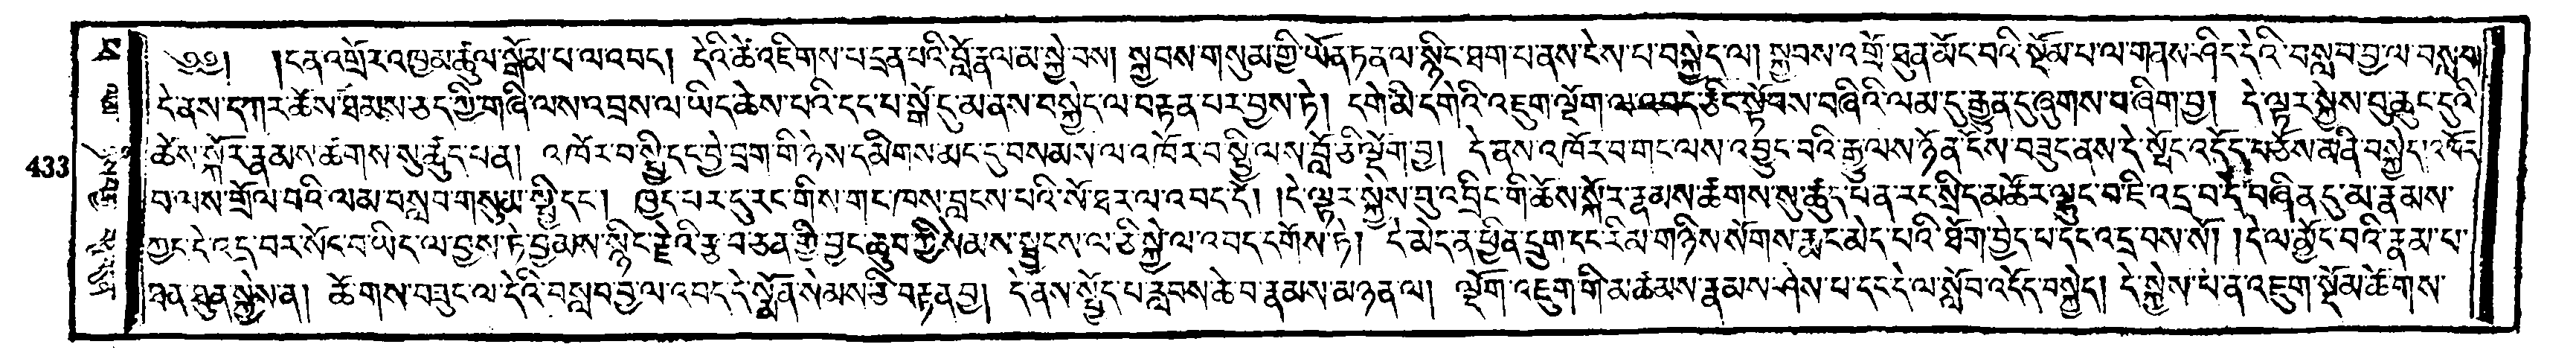༄༅། །ངན་འགྲོར་འཁྱམ་ཚུལ་སྒོམ་པ་ལ་འབང་། དེའི་ཚེ་འཇིགས་པ་དྲན་པའི་བློ་རྣལ་མ་སྐྱེ་བས། སྐྱབས་གསུམ་གྱི་ཡོན་ཏན་ལ་སྙིང་ཐག་པ་ནས་ངེས་པ་བསྐྱེད་ལ། སྐྱབས་འགྲོ་ཐུན་མོང་བའི་སྡོམ་པ་ལ་གནས་ཤིང་དེའི་བསླབ་བྱ་ལ་བསླབ།
དེ་ནས་དཀར་ཆོས་ཐམས་ཅད་ཀྱི་གཞི་ལས་འབྲས་ལ་ཡིད་ཆེས་པའི་དང་པ་སྒོ་དུ་མ་ནས་བསྐྱེད་ལ་བརྟན་པར་བྱས་ཏེ། དགེ་མི་དགེའི་འཇུག་ལྡོག་ལ་འབད་ཅིང་སྟོབས་བཞིའི་ལམ་དུ་རྒྱུན་དུ་ཞུགས་པ་ཞིག་བྱ། དེ་ལྟར་སྐྱེས་བུ་ཆུང་དུའི་
ཆོས་སྐོར་རྣམས་ཚགས་སུ་ཚུད་པ་ན། འཁོར་བ་སྤྱི་དང་བྱེ་བྲག་གི་ཉེས་དམིགས་མང་དུ་བསམས་ལ་འཁོར་བ་སྤྱི་ལས་བློ་ཅི་ལྡོག་བྱ། དེ་ནས་འཁོར་བ་གང་ལས་འབྱུང་བའི་རྒྱུ་ལས་ཉོན་ངོས་བཟུང་ནས་དེ་སྤོང་འདོད་བཅོས་མིན་བསྐྱེད། འཁོར་
བ་ལས་གྲོལ་བའི་ལམ་བསླབ་གསུམ་སྤྱི་དང་། ཁྱད་པར་དུ་རང་གིས་གང་ཁས་བླངས་པའི་སོ་ཐར་ལ་འབང་དོ། །དེ་ལྟར་སྐྱེས་བུ་འབྲིང་གི་ཆོས་སྐོར་རྣམས་ཚགས་སུ་ཚུད་པ་ན་རང་སྲིད་མཚོར་ལྷུང་བ་ཇི་འདྲ་བ་དེ་བཞིན་དུ་མ་རྣམས་
ཀྱང་དེ་འདྲ་བར་སོང་བ་ཡིད་ལ་བྱས་ཏེ་བྱམས་སྙིང་རྗེའི་རྩ་བ་ཅན་གྱི་བྱང་ཆུབ་ཀྱི་སེམས་སྦྱངས་ལ་ཅི་སྐྱེ་ལ་འབད་དགོས་ཏེ། དེ་མེད་ན་ཕྱིན་དྲུག་དང་རིམ་གཉིས་སོགས་རྨང་མེད་པའི་ཐོག་བྱེད་པ་དང་འདྲ་བས་སོ། །དེ་ལ་མྱོང་བའི་རྣམ་པ་
ཐན་ཐུན་སྐྱེས་ན། ཆོ་གས་བཟུང་ལ་དེའི་བསླབ་བྱ་ལ་འབད་དེ་སྨོན་སེམས་ཅི་བརྟན་བྱ། དེ་ནས་སྤྱོད་པ་རླབས་ཆེ་བ་རྣམས་མཉན་ལ། ལྡོག་འཇུག་གི་མཚམས་རྣམས་ཤེས་པ་དང་དེ་ལ་སློབ་འདོད་བསྐྱེད། དེ་སྐྱེས་པ་ན་འཇུག་སྡོམ་ཆོགས་